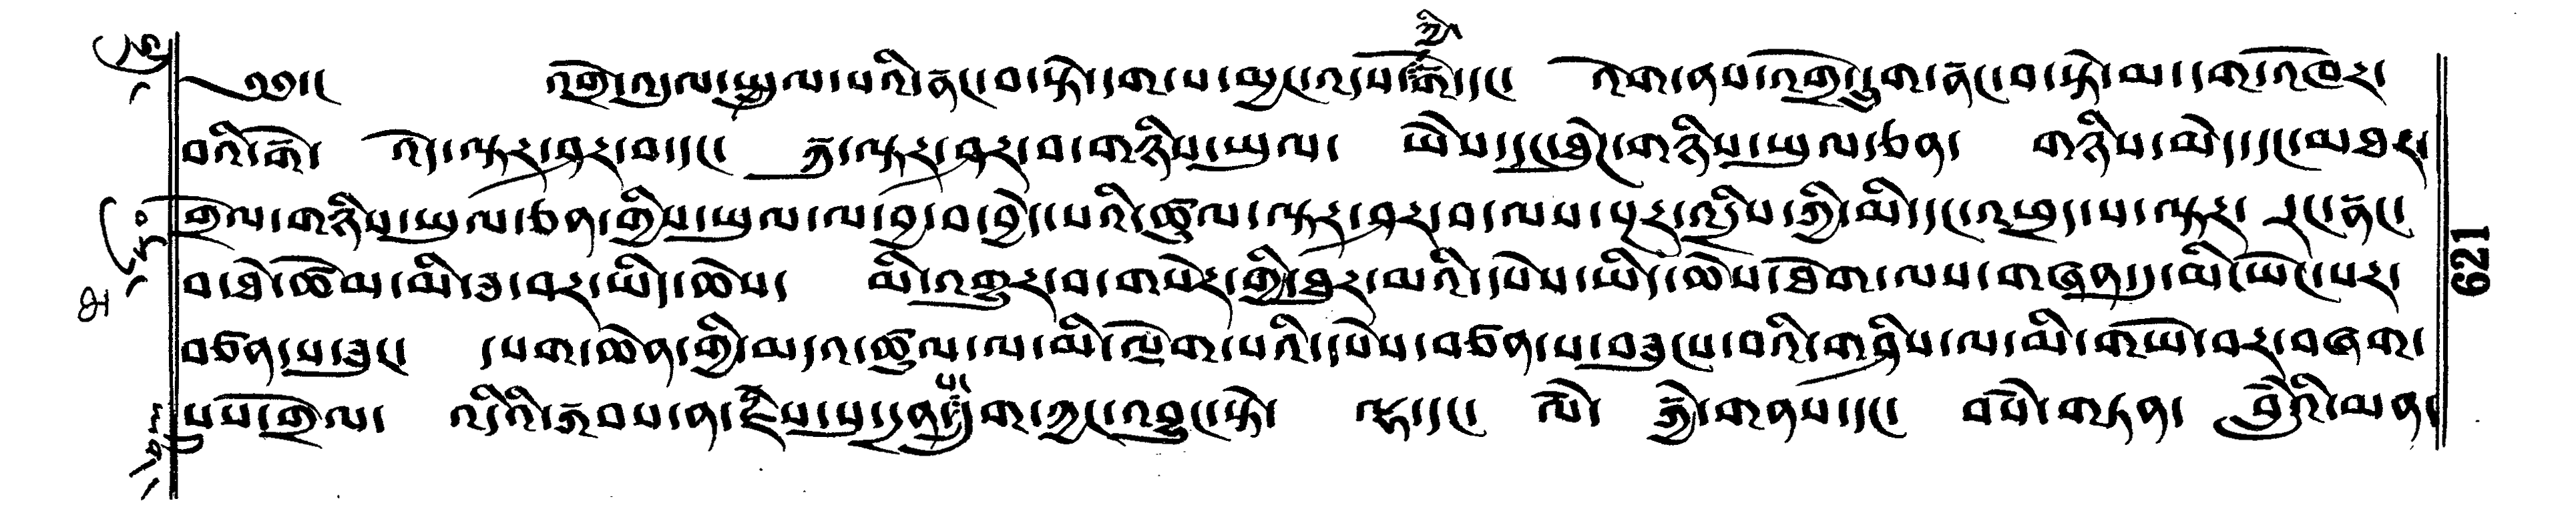འགྲོ་འདུལ་སྤྲུལ་པའི་སྣང་བ་སྟེ་དག་པ་མྱང་འདས་ཀྱི་སྒོ་དང་། འོག་ནས་འགྲོ་དྲུག་གི་སྣང་བ་སྟེ་མ་དག་འཁོར་
བའི་སྒོ། འོད་ལྟར་ཤར་བ་དང་། སྐུ་ལྟར་ཤར་བ་གཉིས་ཡུལ། ཡེ་ཤེས་དང་ཐུགས་རྗེ་གཉིས་ཡུལ་ཅན། གཉིས་མེད་དང་མཐའ་
གྲོལ་གཉིས་ཡུལ་ཅན་གྱིས་ཡུལ་ལ་བྱ་བ་བྱེད་པའི་ཚུལ་ལྟར་ཤར་བ་ལས་སྔར་འདྲིས་ཀྱི་མི་དང་འཕྲད་པ་ལྟར། རང་སྣང་
ལ་ཐེ་ཚོམ་མི་ཟ་བར་ཡིད་ཆེས། མི་འགྱུར་བ་གསེར་གྱི་ཐུར་མའི་དཔེས་ཡིད་ཆེས་ཐོག་ལས་གཞན་དུ་མི་ཡོ་པར་
བཙན་ས་བཟུང་། དཔག་ཆེན་གྱི་མདའ་ཚུར་ལ་མི་ལྡོག་པའི་དཔེས་བཙན་ས་བཟུང་བའི་གཤིས་ལ་མི་གཡོ་བར་བཞག་
པས་གྲོལ། འདིའི་སྐབས་ན་རྗེས་སུ་དྲན་པ་དྲུག་ཀྱང་འབྱུང་སྟེ། ལྷ་དང་། ལམ། སྐྱེ་གནས་དང་། བསམ་གཏན། བླ་མའི་མན་